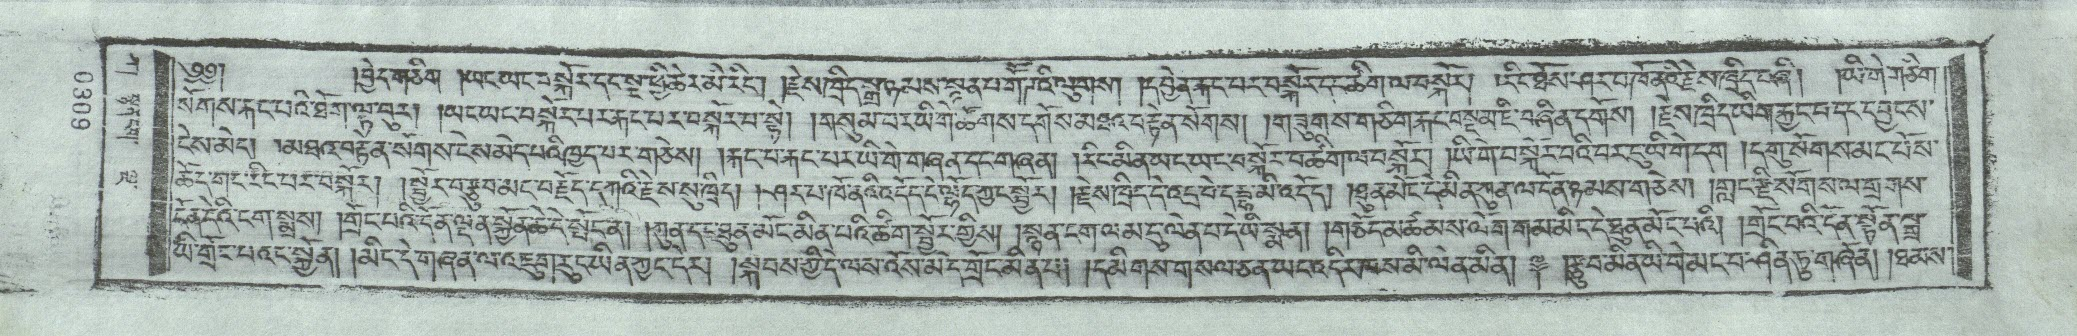༄༅། །བྱེད་གཅིག །ཡང་ཡང་བསྐོར་དང་སྔ་ཕྱི་ཆེར་མི་རིང་། །རྗེས་ཁྲི་སྒྲ་ཉམས་སྙན་པ་གཽ་ཌའི་ལུགས། །དབྱེན་རྐང་པར་བསྐོར་དང་ཚིག་ལ་བསྐོར། །རིང་ཐོས་ཤར་པ་ཁོ་ནའི་རྗེས་ཁྲིད་བཞི། །ཡི་གེ?་གཅིག་
སོགས་རྐང་པའི་ཐོག་ལྟ་བུར། །ཡང་ཡང་བསྐོར་པར་རྐང་པར་བསྐོར་བ་སྟེ། །གསུམ་པར་ཡི་གེ་ཚོགས་དགོས་མཐའ་བརྟེན་སོགས། །གཟུགས་གཅིག་རྐང་བསྡམ་ཇི་བཞིན་དགོས། །རྗེས་ཁྲིད་ཡིག་རྐྱང་བ་དང་དབྱངས་
ཆོད་མེད། །མཐའ་བརྟེན་སོགས་ངེས་མེད་པའི་ཁྱད་པར་གཅེས། །རྐང་པ་རྐང་པར་ཡི་གེ་གཞན་དང་གཞན། །རིང་མིན་ཡང་ཡང་བསྐོར་བ་ཚིག་ལ་བསྐོར། །ཡི་གེ་བསྐོར་བའི་བར་དུ་ཡི་གེ་དག །དགུ་སོགས་མང་པོས་
ཆོང་གང་རིང་པར་བསྐོར། །སྦྱོར་བརྩུབ་མང་བརྗོད་དཀའི་རྗེས་སུ་ཁྲིད། །ཤར་པ་ཁོ་ནའི་འདོད་དེ་ལྷོད་ཀྱང་སྦྱོར། །རྗེས་ཁྲིད་དེ་འདྲ་བེ་དརྦྷ་མི་འདོད། །ཐུན་མོང་དེ་མིན་ཀུན་ལ་དོན་ཉམས་གཅེས། །གླང་རྫི་སོགས་ལ་?གས་
དོན་དེའི་ངག་སྨྲས། །གྲོང་པའི་དོན་ལྡན་སྐྱོན་ཆེ་དེ་སྤོང་ན། །ཀུན་དང་ཐུན་མོང་མིན་པའི་ཚིག་སྦྱོར་གྱིས། །སྙན་ངག་ལམ་དུ་ལེན་པ་དེ་ལི་སྨན། །གཅོད་མཚམས་ལོག་གམ་མིང་དེ་ཐུན་མོང་པའི། །གྲོང་བའི་དོན་སྟོན་སྒྲ་
ཡི་གྲོང་པའང་སྐྱོན། །མིང་དེ་གཞན་ལ་འཇུག་རུང་ཡིན་ཀྱང་དང་། །སྐབས་ཀྱི་དེ་ལས་འོས་མེད་གྲོང་མིན་པ། །དམིགས་གསལ་ཅན་ཡང་འདིར་ཁས་མི་ལེན་མིན། ༈ །རྩུབ་མིན་ཡི་གེ་མང་བ་ཤིན་ཏུ་གཞོན་།ཐམས་